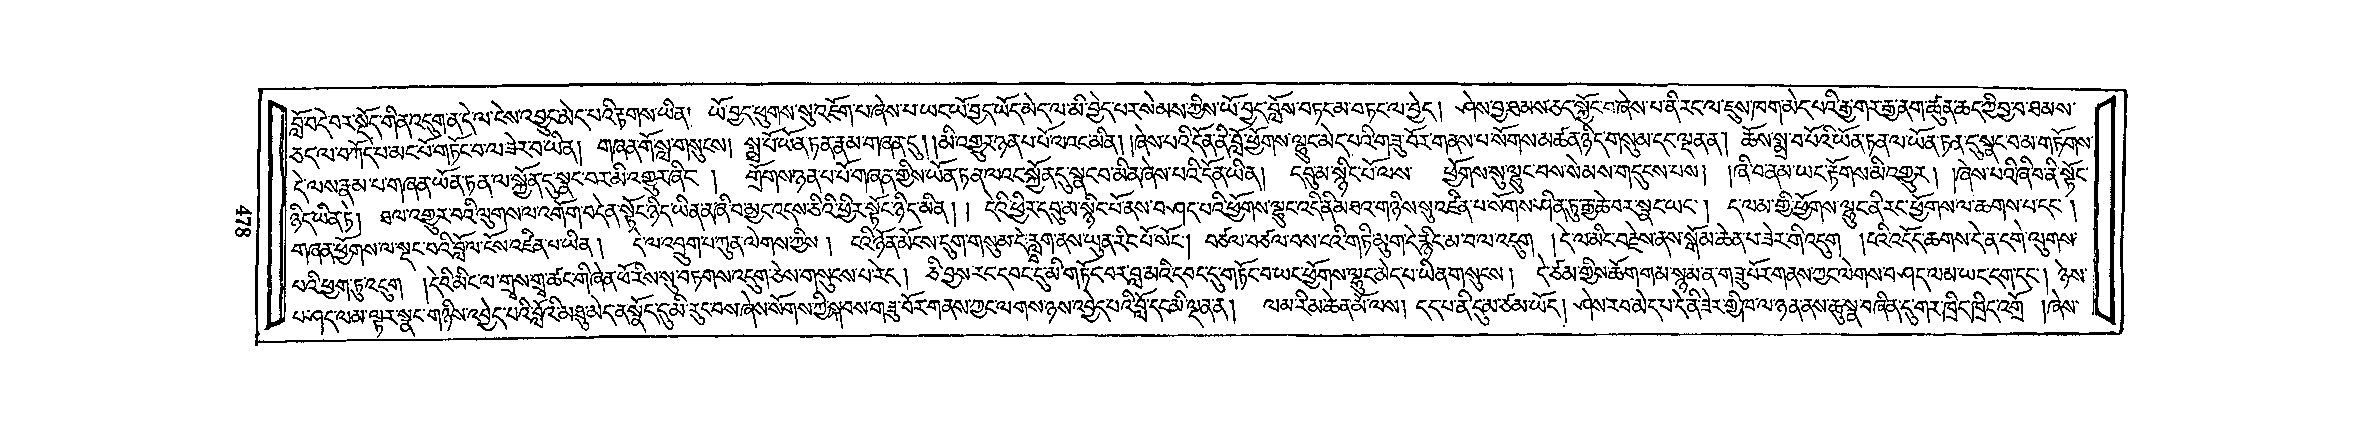བློ་བདེ་བར་སྡོད་གིན་འདུག་ན་དེ་ལ་ངེས་འབྱུང་མེད་པའི་རྟགས་ཡིན། ཡོ་བྱད་ཕུགས་སུ་འཇོག་པ་ཞེས་པ་ཡང་ཡོ་བྱད་ཡོད་མེད་ལ་མི་བྱེད་པར་སེམས་ཀྱིས་ཡོ་བྱད་བློས་བཏང་མ་བཏང་ལ་བྱེད། ཤེས་བྱ་ཐམས་ཅད་སྐྱོང་བ་ཞེས་པ་ནི་རང་ལ་ཇུས་ཁག་མེད་པའི་རྒྱ་གར་རྒྱ་ནག་ཚུན་ཆད་ཀྱི་བྱ་བ་ཐམས་
ཅད་ལ་བཀོད་པ་མང་པོ་གཏོང་བ་ལ་ཟེར་བ་ཡིན། གཞན་གོ་སླ་གསུངས། སྨྲ་པོ་ཡོན་ཏན་རྣམ་གཞན་དུ། །མི་འགྱུར་ཉན་པ་པོ་ལའང་མིན། །ཞེས་པའི་དོན་ནི་བློ་ཕྱོགས་ལྷུང་མེད་པའི་གཟུ་བོར་གནས་པ་སོགས་མཚན་ཉིད་གསུམ་དང་ལྡན་ན། ཆོས་སྨྲ་བ་པོའི་ཡོན་ཏན་ལ་ཡོན་ཏན་དུ་སྣང་བ་མ་གཏོགས་
དེ་ལས་རྣམ་པ་གཞན་ཡོན་ཏན་ལ་སྐྱོན་དུ་སྣང་བར་མི་འགྱུར་ཞིང་། གྲོགས་ཉན་པ་པོ་གཞན་གྱིས་ཡོན་ཏན་ལའང་སྐྱོན་དུ་སྣང་བ་མིན་ཞེས་པའི་དོན་ཡིན། དབུ་མ་སྙིང་པོ་ལས་ཕྱོགས་སུ་ལྷུང་བས་སེམས་གདུངས་པས། །ཞི་བ་ནམ་ཡང་རྟོགས་མི་འགྱུར། །ཞེས་པའི་ཞི་བ་ནི་སྟོང་
ཉིད་ཡིན་ཏེ། ཐལ་འགྱུར་བའི་ལུགས་ལ་འགོག་བདེན་སྟོང་ཉིད་ཡིན་ན་ཞི་བ་མྱང་འདས་ཅིའི་ཕྱིར་སྟོང་ཉིད་མིན། །དེའི་ཕྱིར་དབུ་མ་སྙིང་པོ་ནས་བཤད་པའི་ཕྱོགས་ལྷུང་འདི་ནི་མཐའ་གཉིས་སུ་འཛིན་པ་སོགས་ཤིན་ཏུ་རྒྱ་ཆེ་བར་སྣང་ཡང་། ད་ལམ་གྱི་ཕྱོགས་ལྷུང་ནི་རང་ཕྱོགས་ལ་ཆགས་པ་དང་།
གཞན་ཕྱོགས་ལ་སྡང་བའི་བློ་ལ་ངོས་འཛིན་པ་ཡིན། དེ་ལ་འབྲུག་པ་ཀུན་ལེགས་ཀྱིས། ངའི་ཉོན་མོངས་དུག་གསུམ་དེ་བརླག་ནས་ཡུན་རིང་པོ་སོང་། བཙལ་བཙལ་བས་ངའི་གཏི་མུག་དེ་རྙིང་མ་བ་ལ་འདུག །དེ་ལ་མིང་བརྗེས་ནས་སྒོམ་ཆེན་པ་ཟེར་གི་འདུག །ངའི་འདོད་ཆགས་དེ་ན་དགེ་ལུགས་
པའི་ཕྱག་ཏུ་འདུག །དེའི་མིང་ལ་གྲྭས་གྲྭ་ཚང་གི་ཞེན་པོ་རིས་སུ་བཏགས་འདུག་ཅེས་གསུངས་པ་རེད། ཅི་བྱས་རང་དབང་དུ་མི་གཏོང་བར་བླ་མའི་དབང་དུ་གཏོང་བ་ཡང་ཕྱོགས་ལྷུང་མེད་པ་ཡིན་གསུངས། དེ་ཙམ་གྱིས་ཆོག་གམ་སྙམ་ན་གཟུ་པོར་གནས་ཀྱང་ལེགས་བཤད་ལམ་ཡང་དག་དང་། ཉེས་
པ་ཤད་ལམ་ལྟར་སྣང་གཉིས་འབྱེད་པའི་བློའི་མཐུ་མེད་ན་སྣོད་དུ་མི་རུང་བས་ཞེས་སོགས་ཀྱི་སྐབས་གཟུ་བོར་གནས་ཀྱང་ལགས་ཉས་འབྱེད་པའི་བློ་དང་མི་ལྡན་ན། ལམ་རིམ་ཆེན་མོ་ལས། དད་པ་ནི་དུ་མ་ཙམ་ཡོད། ཤེས་རབ་མེད་པ་དེ་ནི་ཟེར་གྱི་ཁ་ལ་ཉན་ནས་ཆུ་སྣ་བཞིན་དུ་གར་ཁྲིད་ཁྲིད་འགྲོ་།ཞེས་